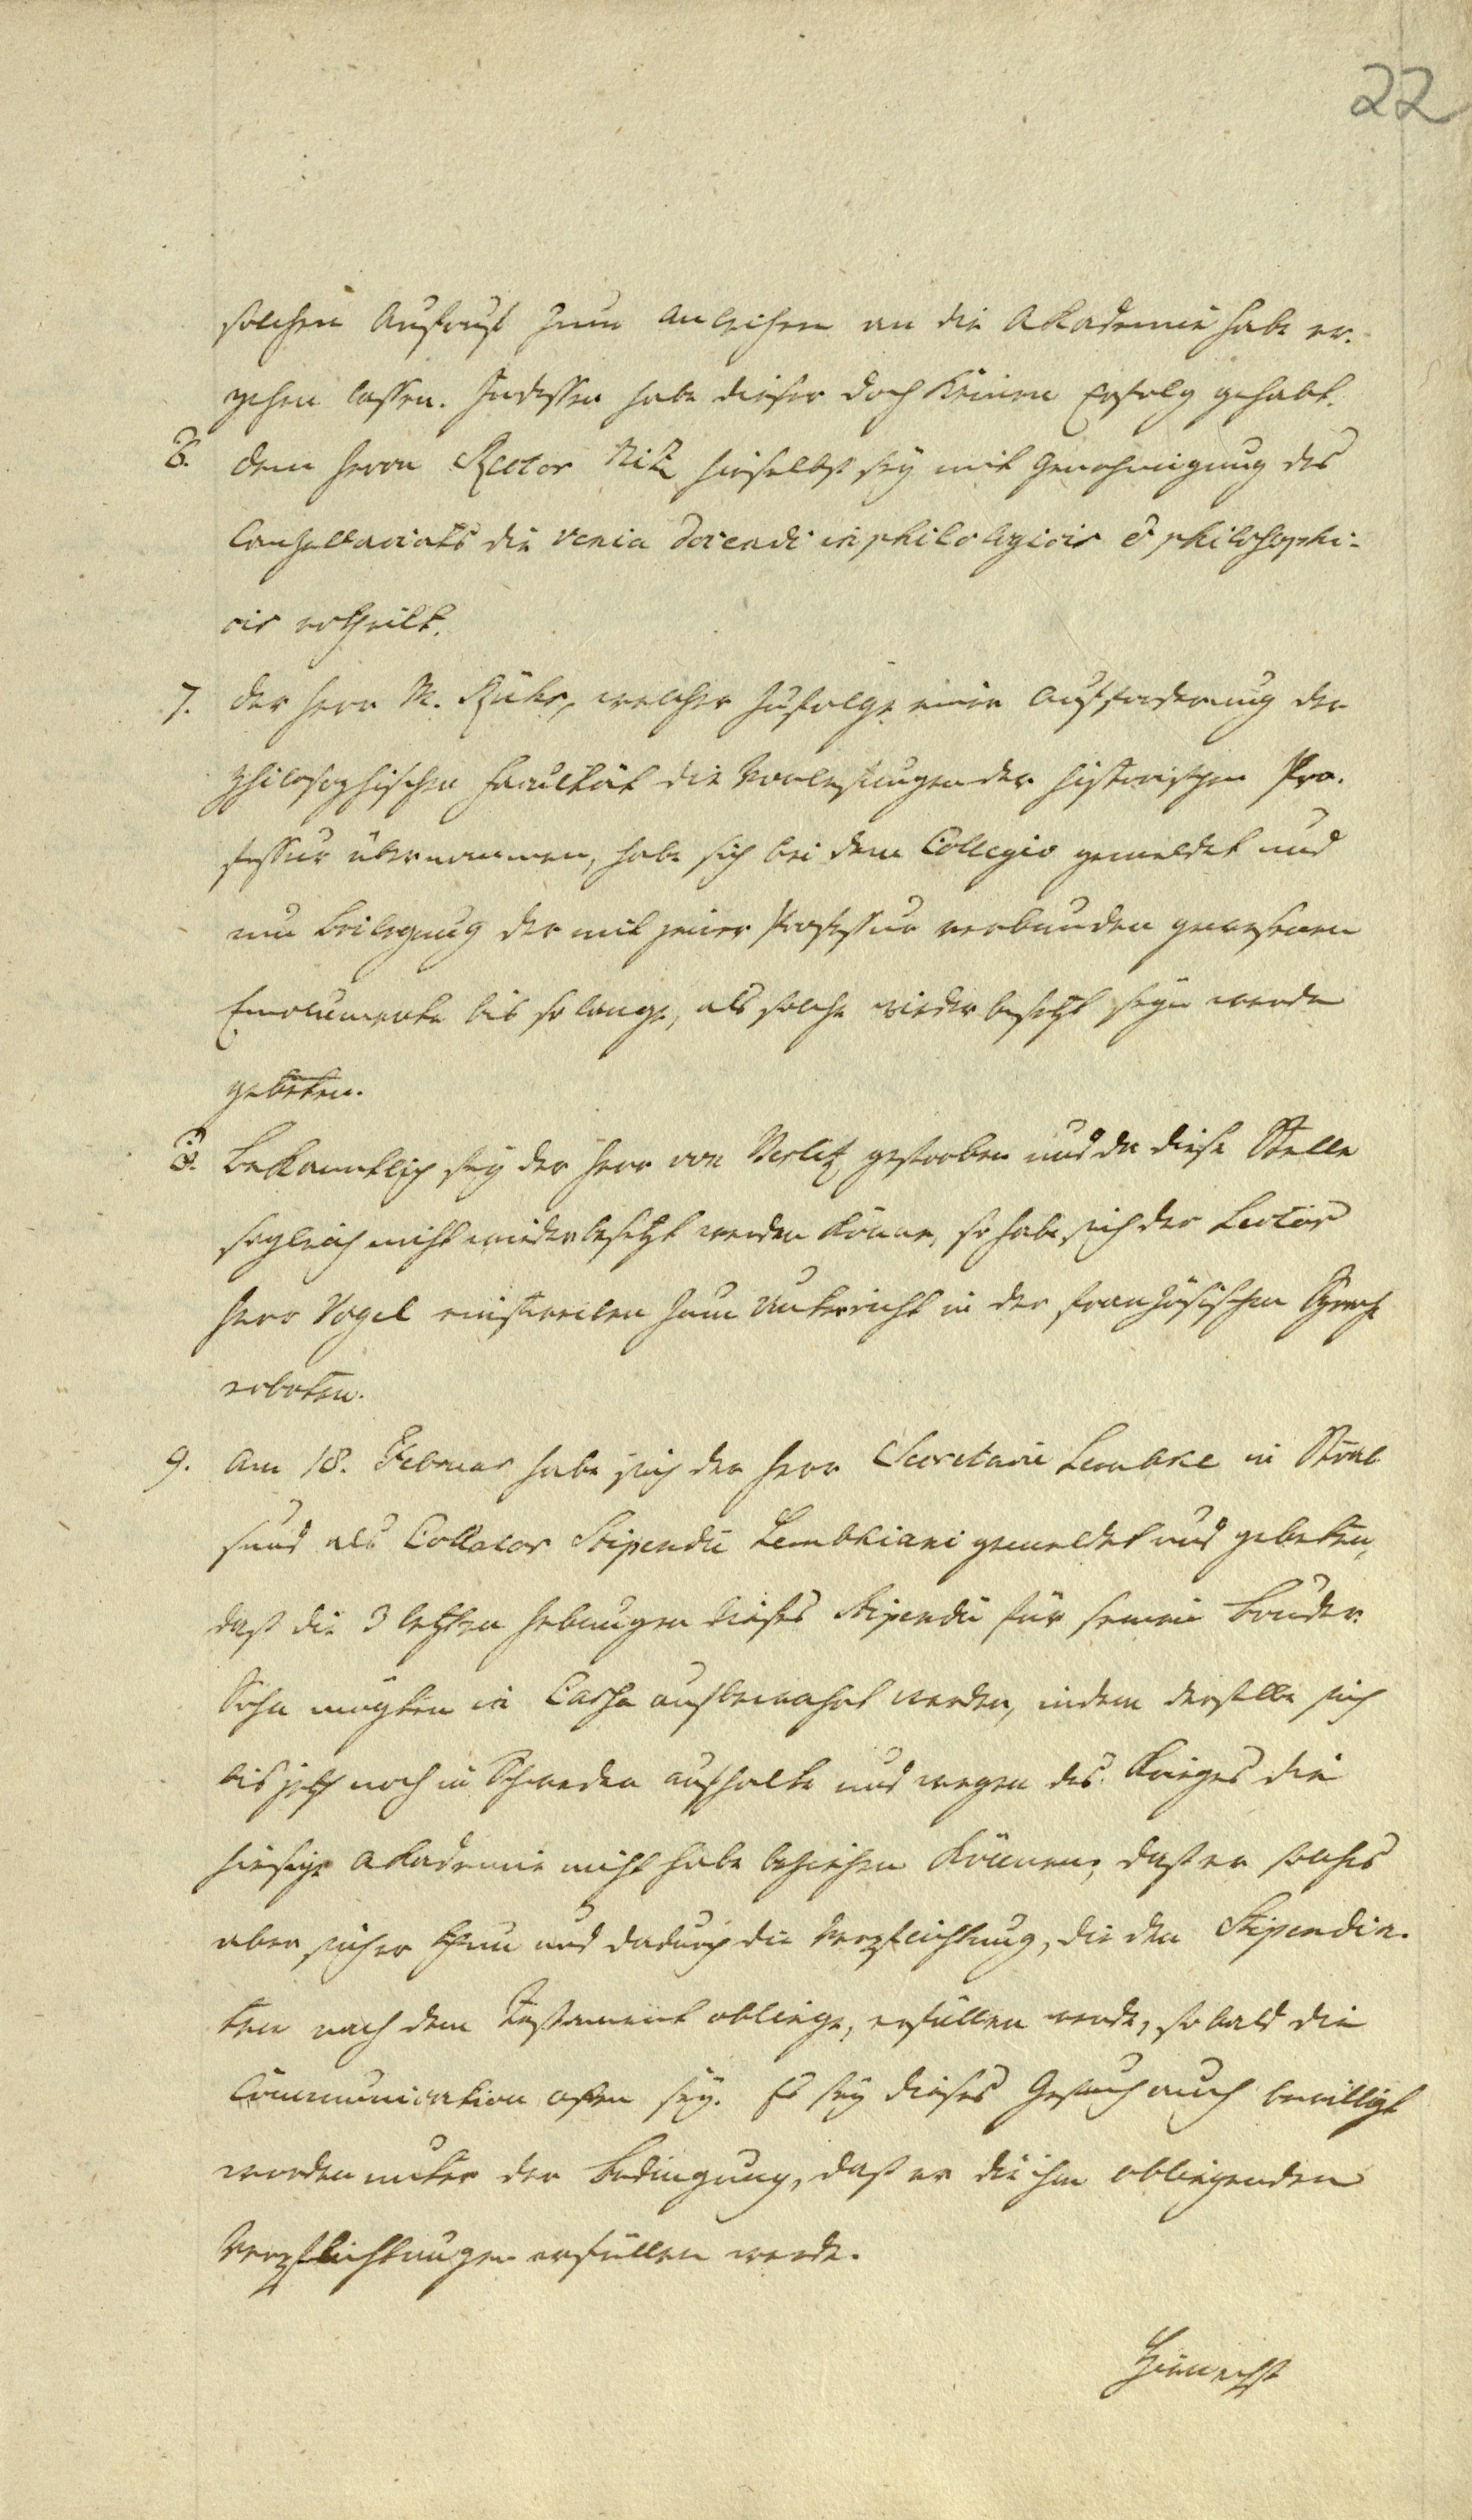solchen Aufruf zum Anleihen an die Akademie habe er¬
gehen lassen. Indessen habe dieser doch keinen Erfolg gehabt.
6. Dem Herrn Rector Niz hieselbst seÿ mit Genehmigung des
Canzellariats die venia docendi in philologicis et philosophi¬
cis ertheilt.
7. Der Herr M. Rühs, welcher zufolge einer Aufforderung der
philosophischen Facultät die Vorlesungen der historischen Pro¬
fessur übernommen, habe sich bei dem Collegio gemeldet und
um Beilegung der mit jener Professur verbunden gewesenen
Emolumente bis so lange, als solche wieder besetzt seÿn werde
gebeten.
8. Bekanntlich seÿ der Herr von Berlitz gestorben und da diese Stelle
sogleich nicht wieder besetzt werden könne, so habe sich der Lector
Herr Vogel einstweilen zum Unterricht in der französischen Sprache
erboten.
9. Am 18. Februar habe sich der Herr Secretarie Lembke in Stral¬
sund als Collator Stipendii Lembkiani gemeldet und gebeten,
daß die 3 letzten Hebungen dieses Stipendii für seinen Bruder¬
Sohn mögten in Cassa ausbewahrt werden, indem derselbe sich
bis jetzt noch in Schweden aufhalte und wegen des Krieges die
hiesige Akademie nicht habe beziehen können, daß er solches
aber sicher thun und dadurch die Verpflichtung, die den Stipendia¬
ten nach dem Testament obliege, erfüllen werde, so bald die
Communication offen seÿ. Es seÿ dieses Gesuch auch bewilligt
worden unter der Bedingung, daß er die ihm obliegenden
Verpflichtungen erfüllen werde.
Hienechst